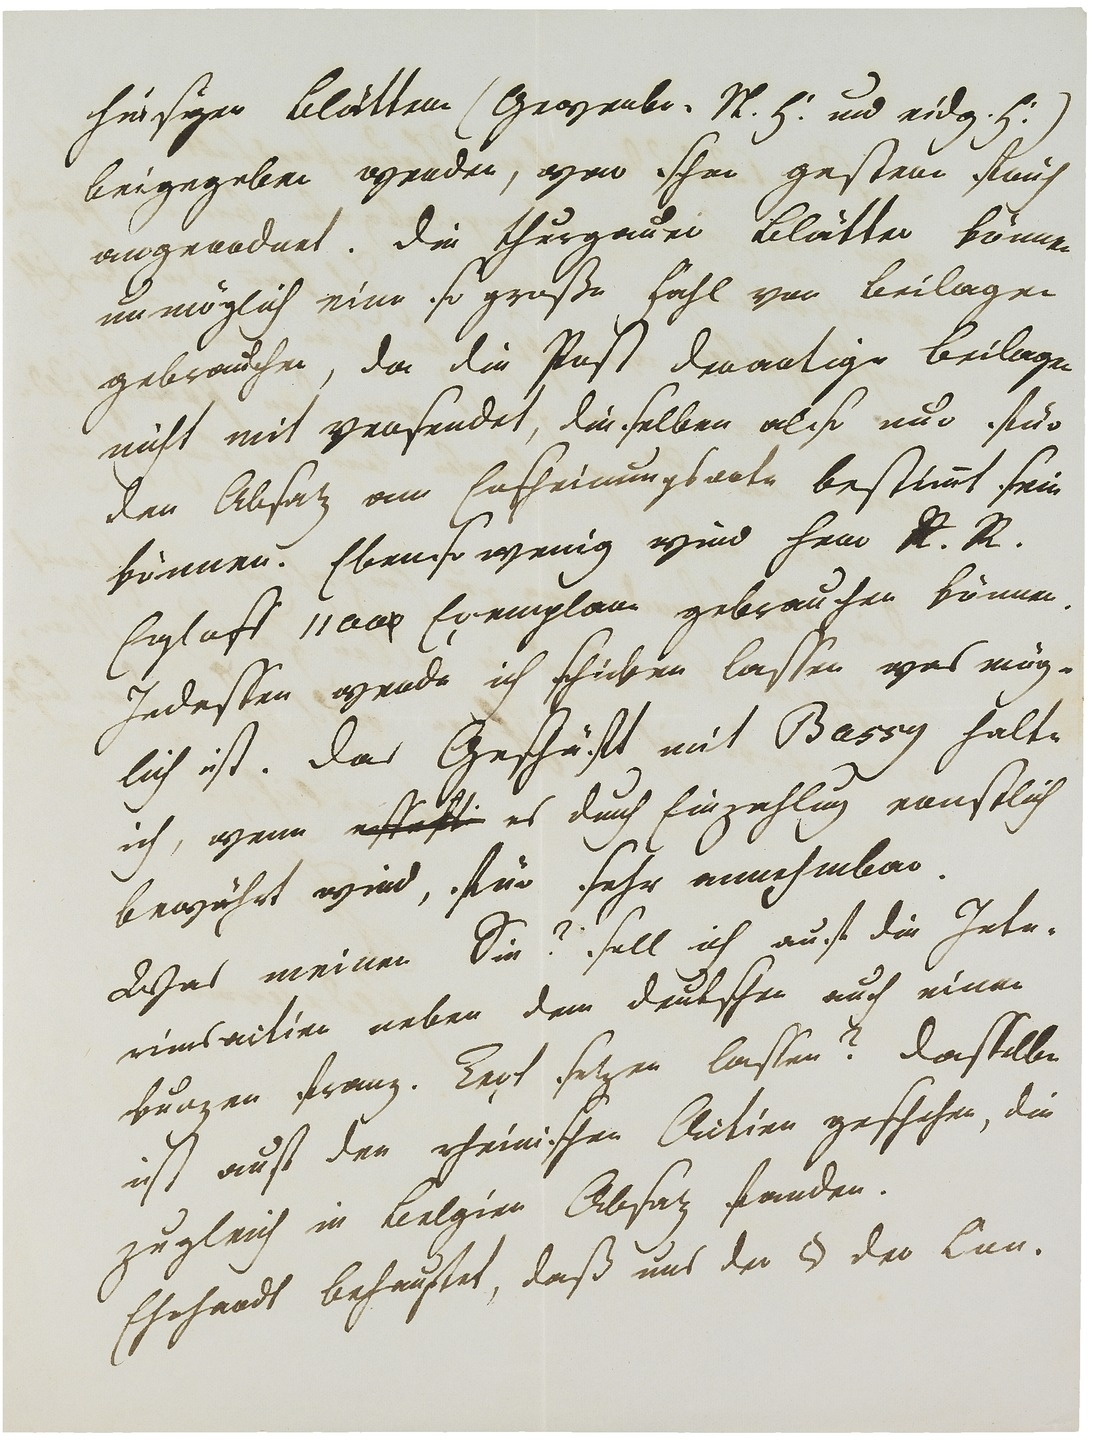hiesigen Blättern (Gewerbe- N.Z. und eidg. Z.)
beigegeben werden, war schon gestern früh
angeordnet. Die thurgauer Blätter können
unmöglich eine so große Zahl von Beilagen
gebrauchen, da die Post derartige Beilagen
nicht mit versendet, dieselben also nur für
den Absatz am Erscheinungsorte bestimmt sein
können. Ebenso wenig wird Herr R.R.
Egloff 11000 Exemplare gebrauchen können.
Indessen werde ich schicken lassen was mög-
lich ist. Das Geschäft mit Bassy halte
ich, wenn effekti es durch Einzahlung ernstlich
bewährt wird, für sehr annehmbar.
Was meinen Sie? soll ich auf die Inte-
rimsactien neben dem deutschen auch einen
kurzen franz. Text setzen lassen? dasselbe
ist auf den rheinischen Actien geschehen, die
zugleich in Belgien Absatz fanden.
Ehrhardt behauptet, daß uns der § der Con-